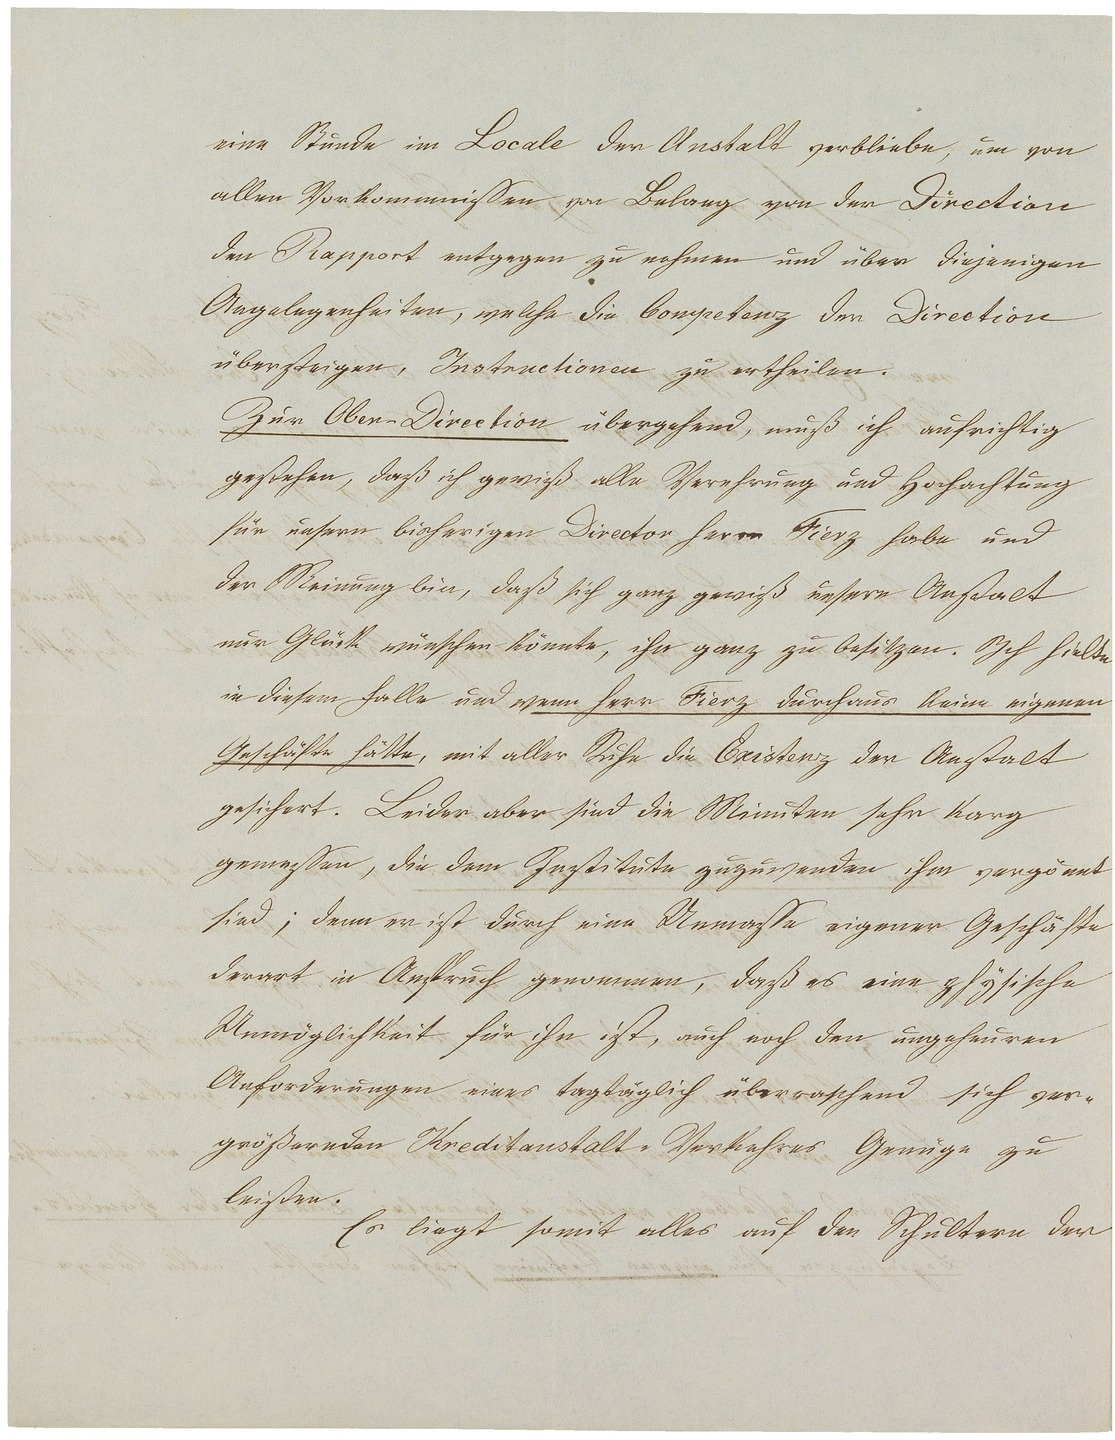eine Stunde im Locale der Anstalt verbliebe, um von
allen Vorkommnissen von Belang von der Direction
den Rapport entgegen zu nehmen und über diejenigen
Angelegenheiten, welche die Competenz der Direction
übersteigen, Instructionen zu ertheilen.
Zur Ober-Direction übergehend, muß ich aufrichtig
gestehen, daß ich gewiß alle Verehrung und Hochachtung
für unsern bisherigen Director Herrn Fierz habe und
der Meinung bin, daß sich ganz gewiß unsere Anstalt
nur Glück wünschen könnte, ihn ganz zu besitzen. Ich hielte
in diesem Falle und wenn Herr Fierz durchaus keine eigenen
Geschäfte hätte, mit aller Ruhe die Existenz der Anstalt
gesichert. Leider aber sind die Minuten sehr kurz
gemessen, die dem Institute zuzuwenden ihm vergönnt
sind; denn er ist durch eine Unmasse eigener Geschäfte
derart in Anspruch genommen, daß es eine physische
Unmöglichkeit für ihn ist, auch noch den ungeheuren
Anforderungen eines tagtäglich überraschend sich ver-
größernden Kreditanstalt-Verkehres Genüge zu
leisten.
Es liegt somit alles auf den Schultern der